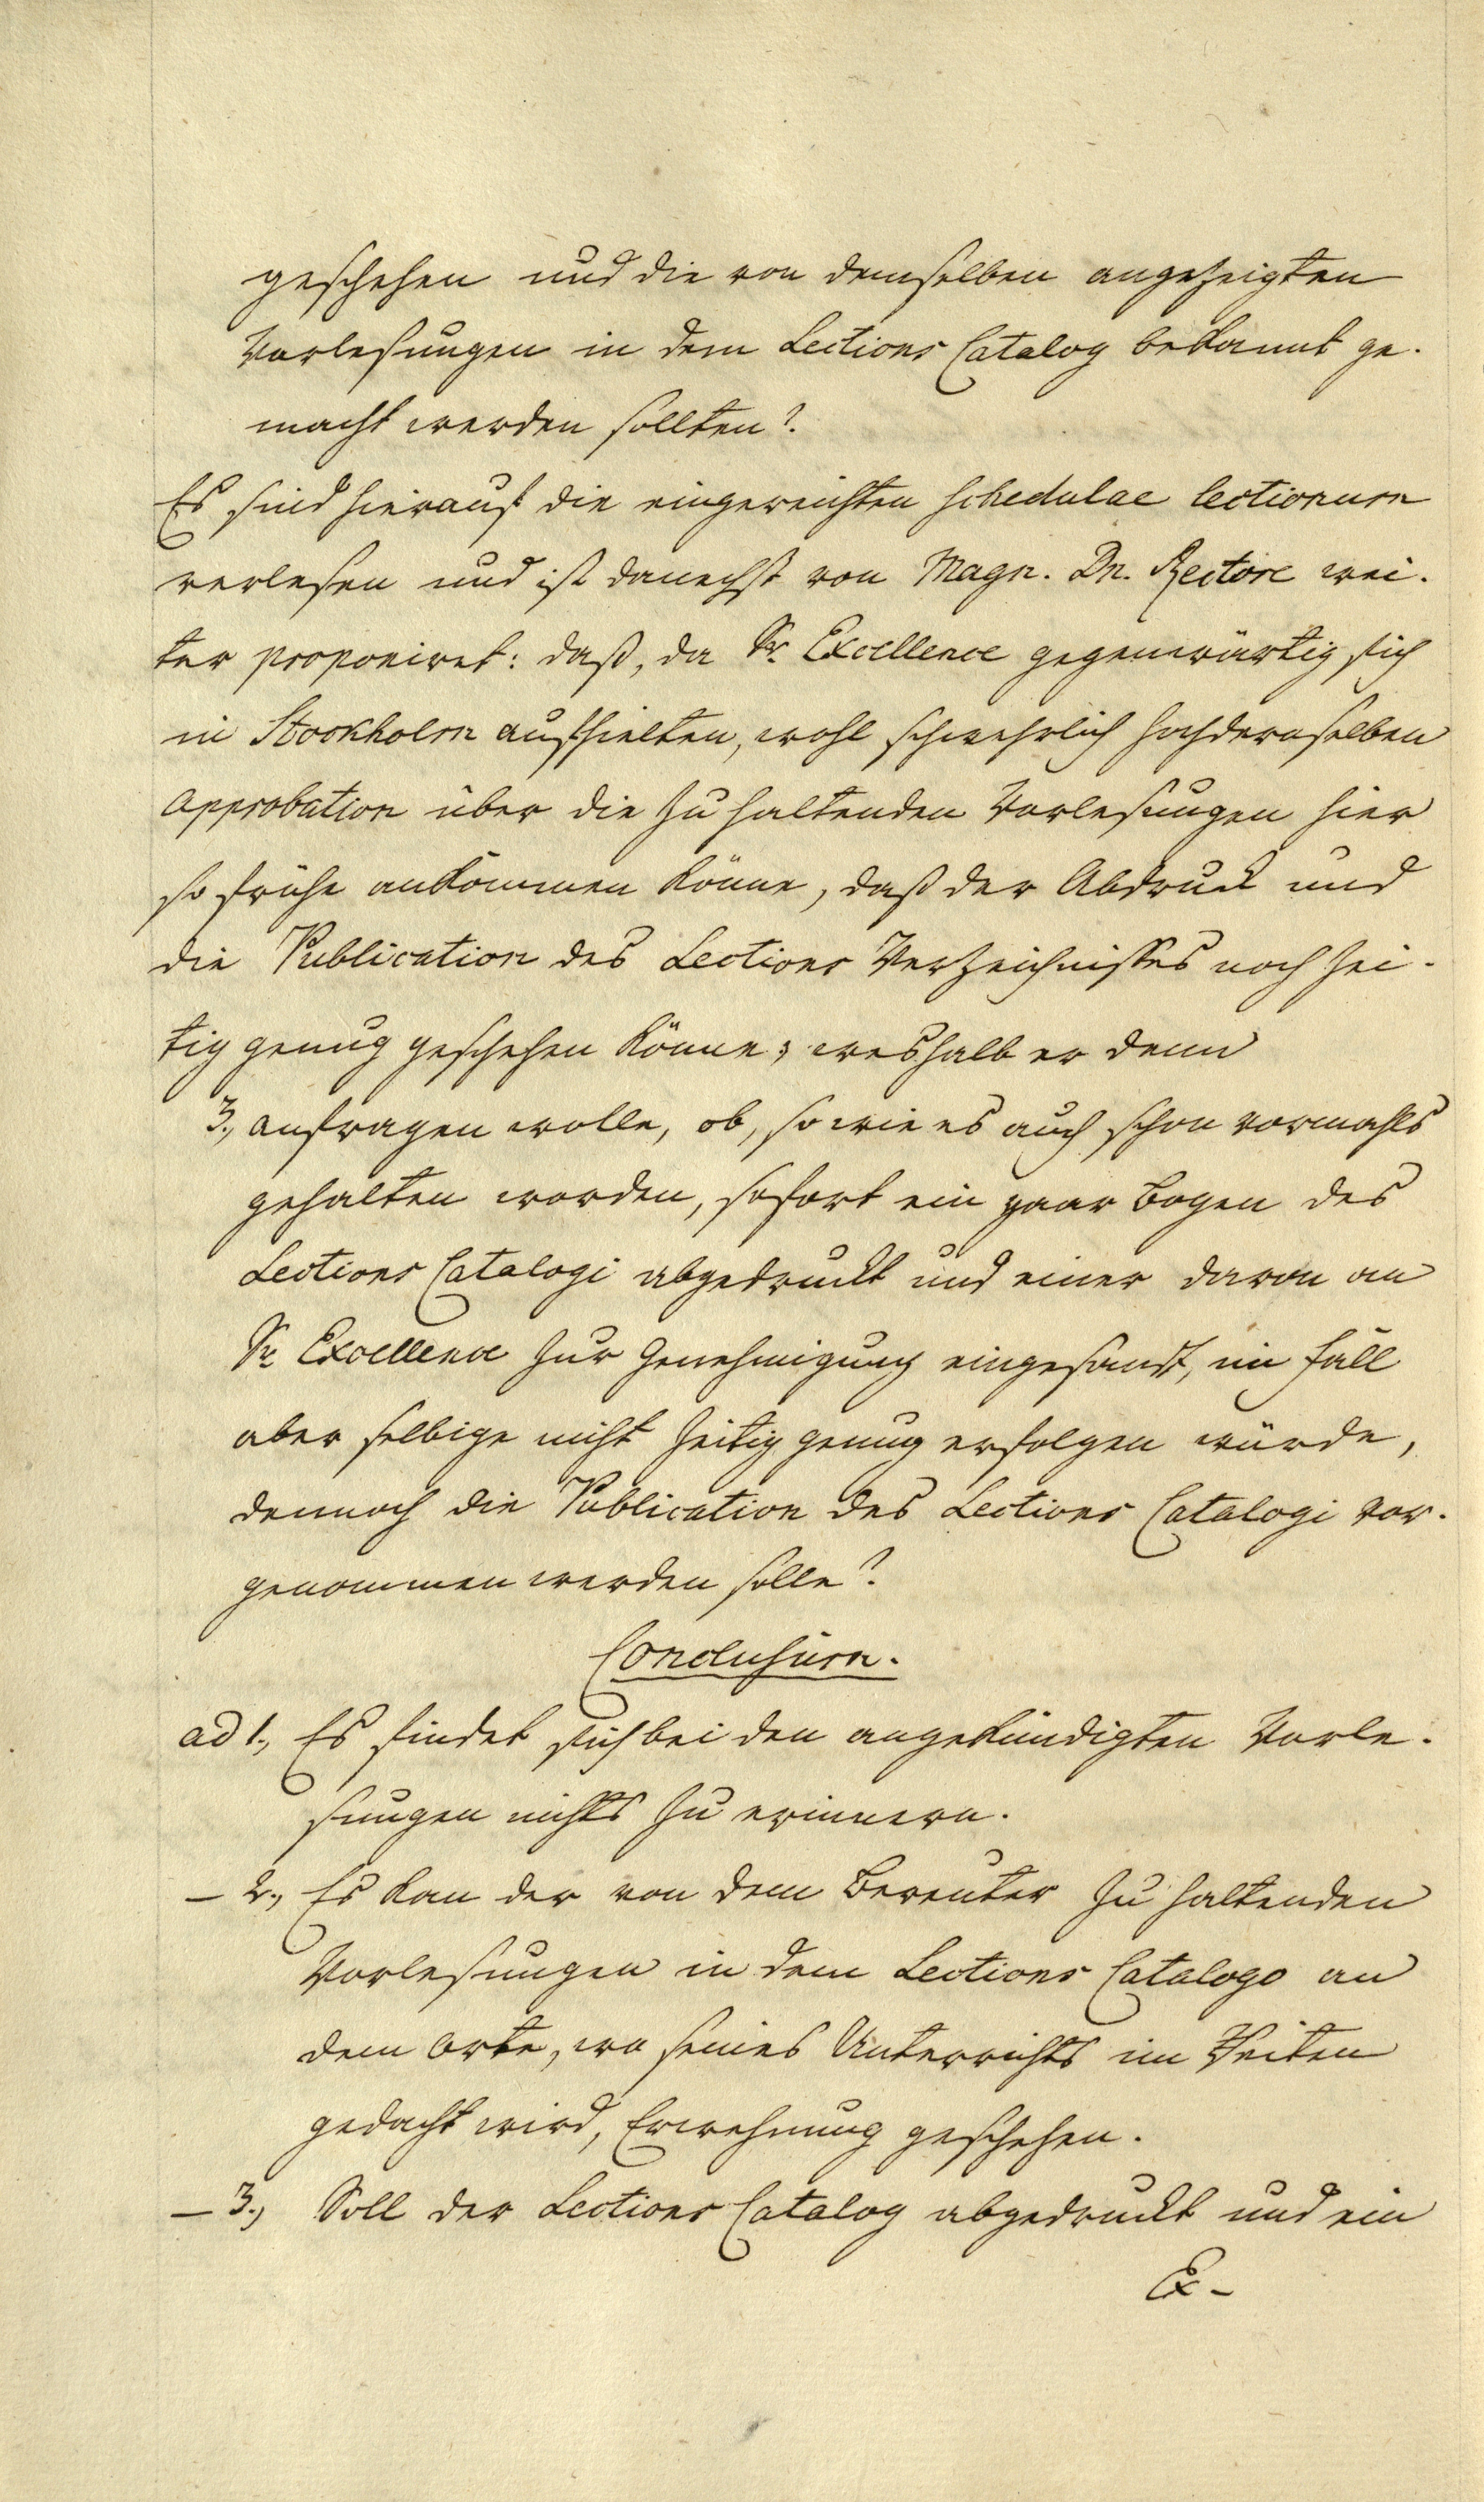geschehen und die von demselben angezeigten
Vorlesungen in dem Lections Catalog bekannt ge-
macht werden sollten?
Es sind hierauf die eingereichten schedulae lectionum
verlesen und ist danechst von Magn. Dn. Rector wei-
ter proponiret: daß, da Sr. Excellence gegenwärtig sich
in Stockholm aufhielten, wohl schwehrlich hochderoselben
Approbation über die zu haltenden Vorlesungen hier
so frühe ankommen könne, daß der Abdruck und
die Publication des Lections Verzeichnisses noch zei-
tig genug geschehen könne, weshalb er denn
3., anfragen wolle, ob, so wie es auch schon vormahls
gehalten worden, sofort ein paar Bogen des
Lections Catalogi abgedruckt und einer davon an
Sr. Excellence zur Genehmigung eingesandt, im Fall
aber selbige nicht zeitig genug erfolgen würde,
dennoch die Publication des Lections Catalogi vor-
genommen werden solle?
Conclusum.
Ad 1, Es findet sich bei den angekündigten Vorlesungen
nichts zu erinnern.
- 2., Es kan der von dem Bereuter zu haltenden
Vorlesungen in dem Lections Catalogo an
dem Orte, wo seines Unterrichts im Reiten
gedacht wird, Erwehnung geschehen.
- 3., Soll der Lections Catalog abgedruckt und ein
Ex-